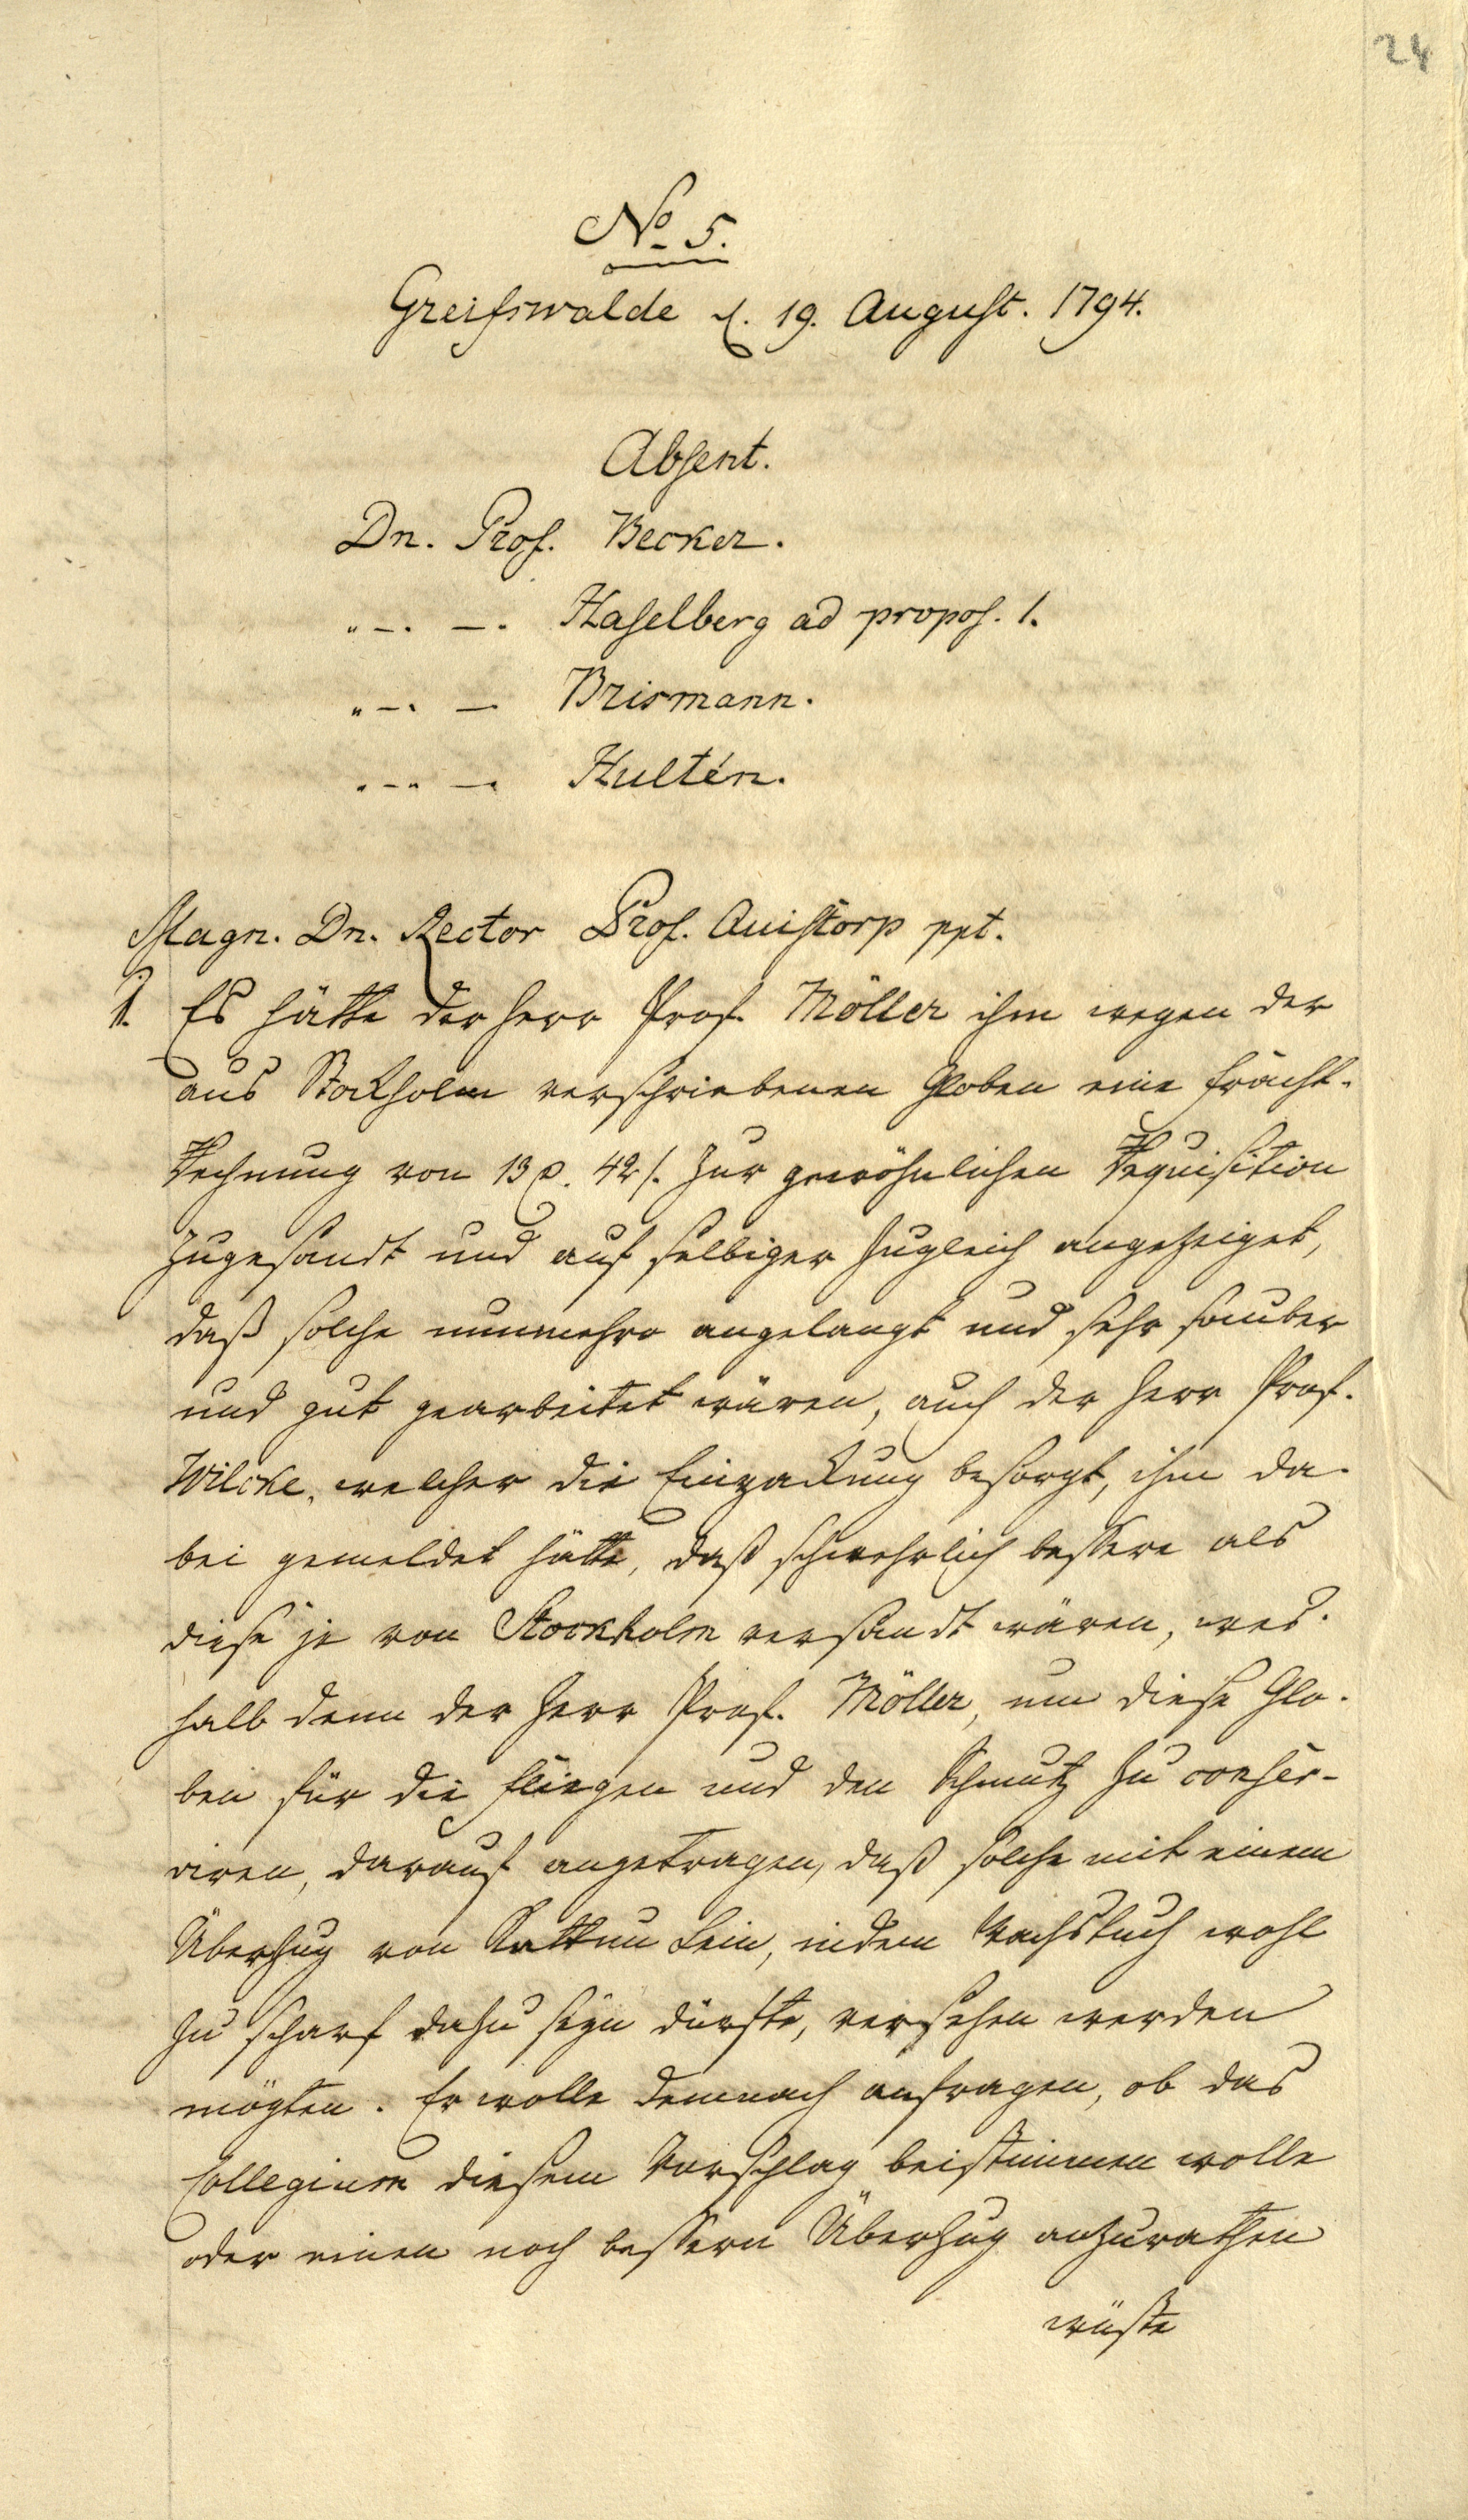No 5.
Greifswalde d. 19. August. 1794.
Absent.
Dn. Prof. Becker.
" - . - . Haselberg ad propos. 1.
" - . - . Brismann.
" - " - . Hultén.
Magn. Dn. Rector Prof. Quistorp ppt.
1. Es hätte der Herr Prof. Möller ihm wegen der
aus Stockholm verschriebenen Globen eine Fracht-
Rechnung von 13 rtl. 42 s. zur gewöhnlichen Requisition
zugesandt und auf selbiger zugleich angezeiget,
daß solche nunmehro angelangt und sehr sauber
und gut gearbeitet wären, auch der Herr Prof.
Wilcke, welcher die Einpackung besorgt, ihm da-
bei gemeldet hätte, daß schwerlich bessere als
diese je von Stockholm versandt wären, wes-
halb denn der Herr Prof. Möller, nun diese Glo-
ben für die Fliegen und den Schmutz zu conser-
viren, darauf angetragen, daß solche mit einem
Überzug von Kattun Lein, indem Wachstuch wohl
zu scharf dazu seyn dürfte, versehen werden
mögten. Er wolle demnach anfragen, ob das
Collegium diesem Vorschlag beistimmen wolle
oder einen noch bessern Überzug anzurathen
wüßte